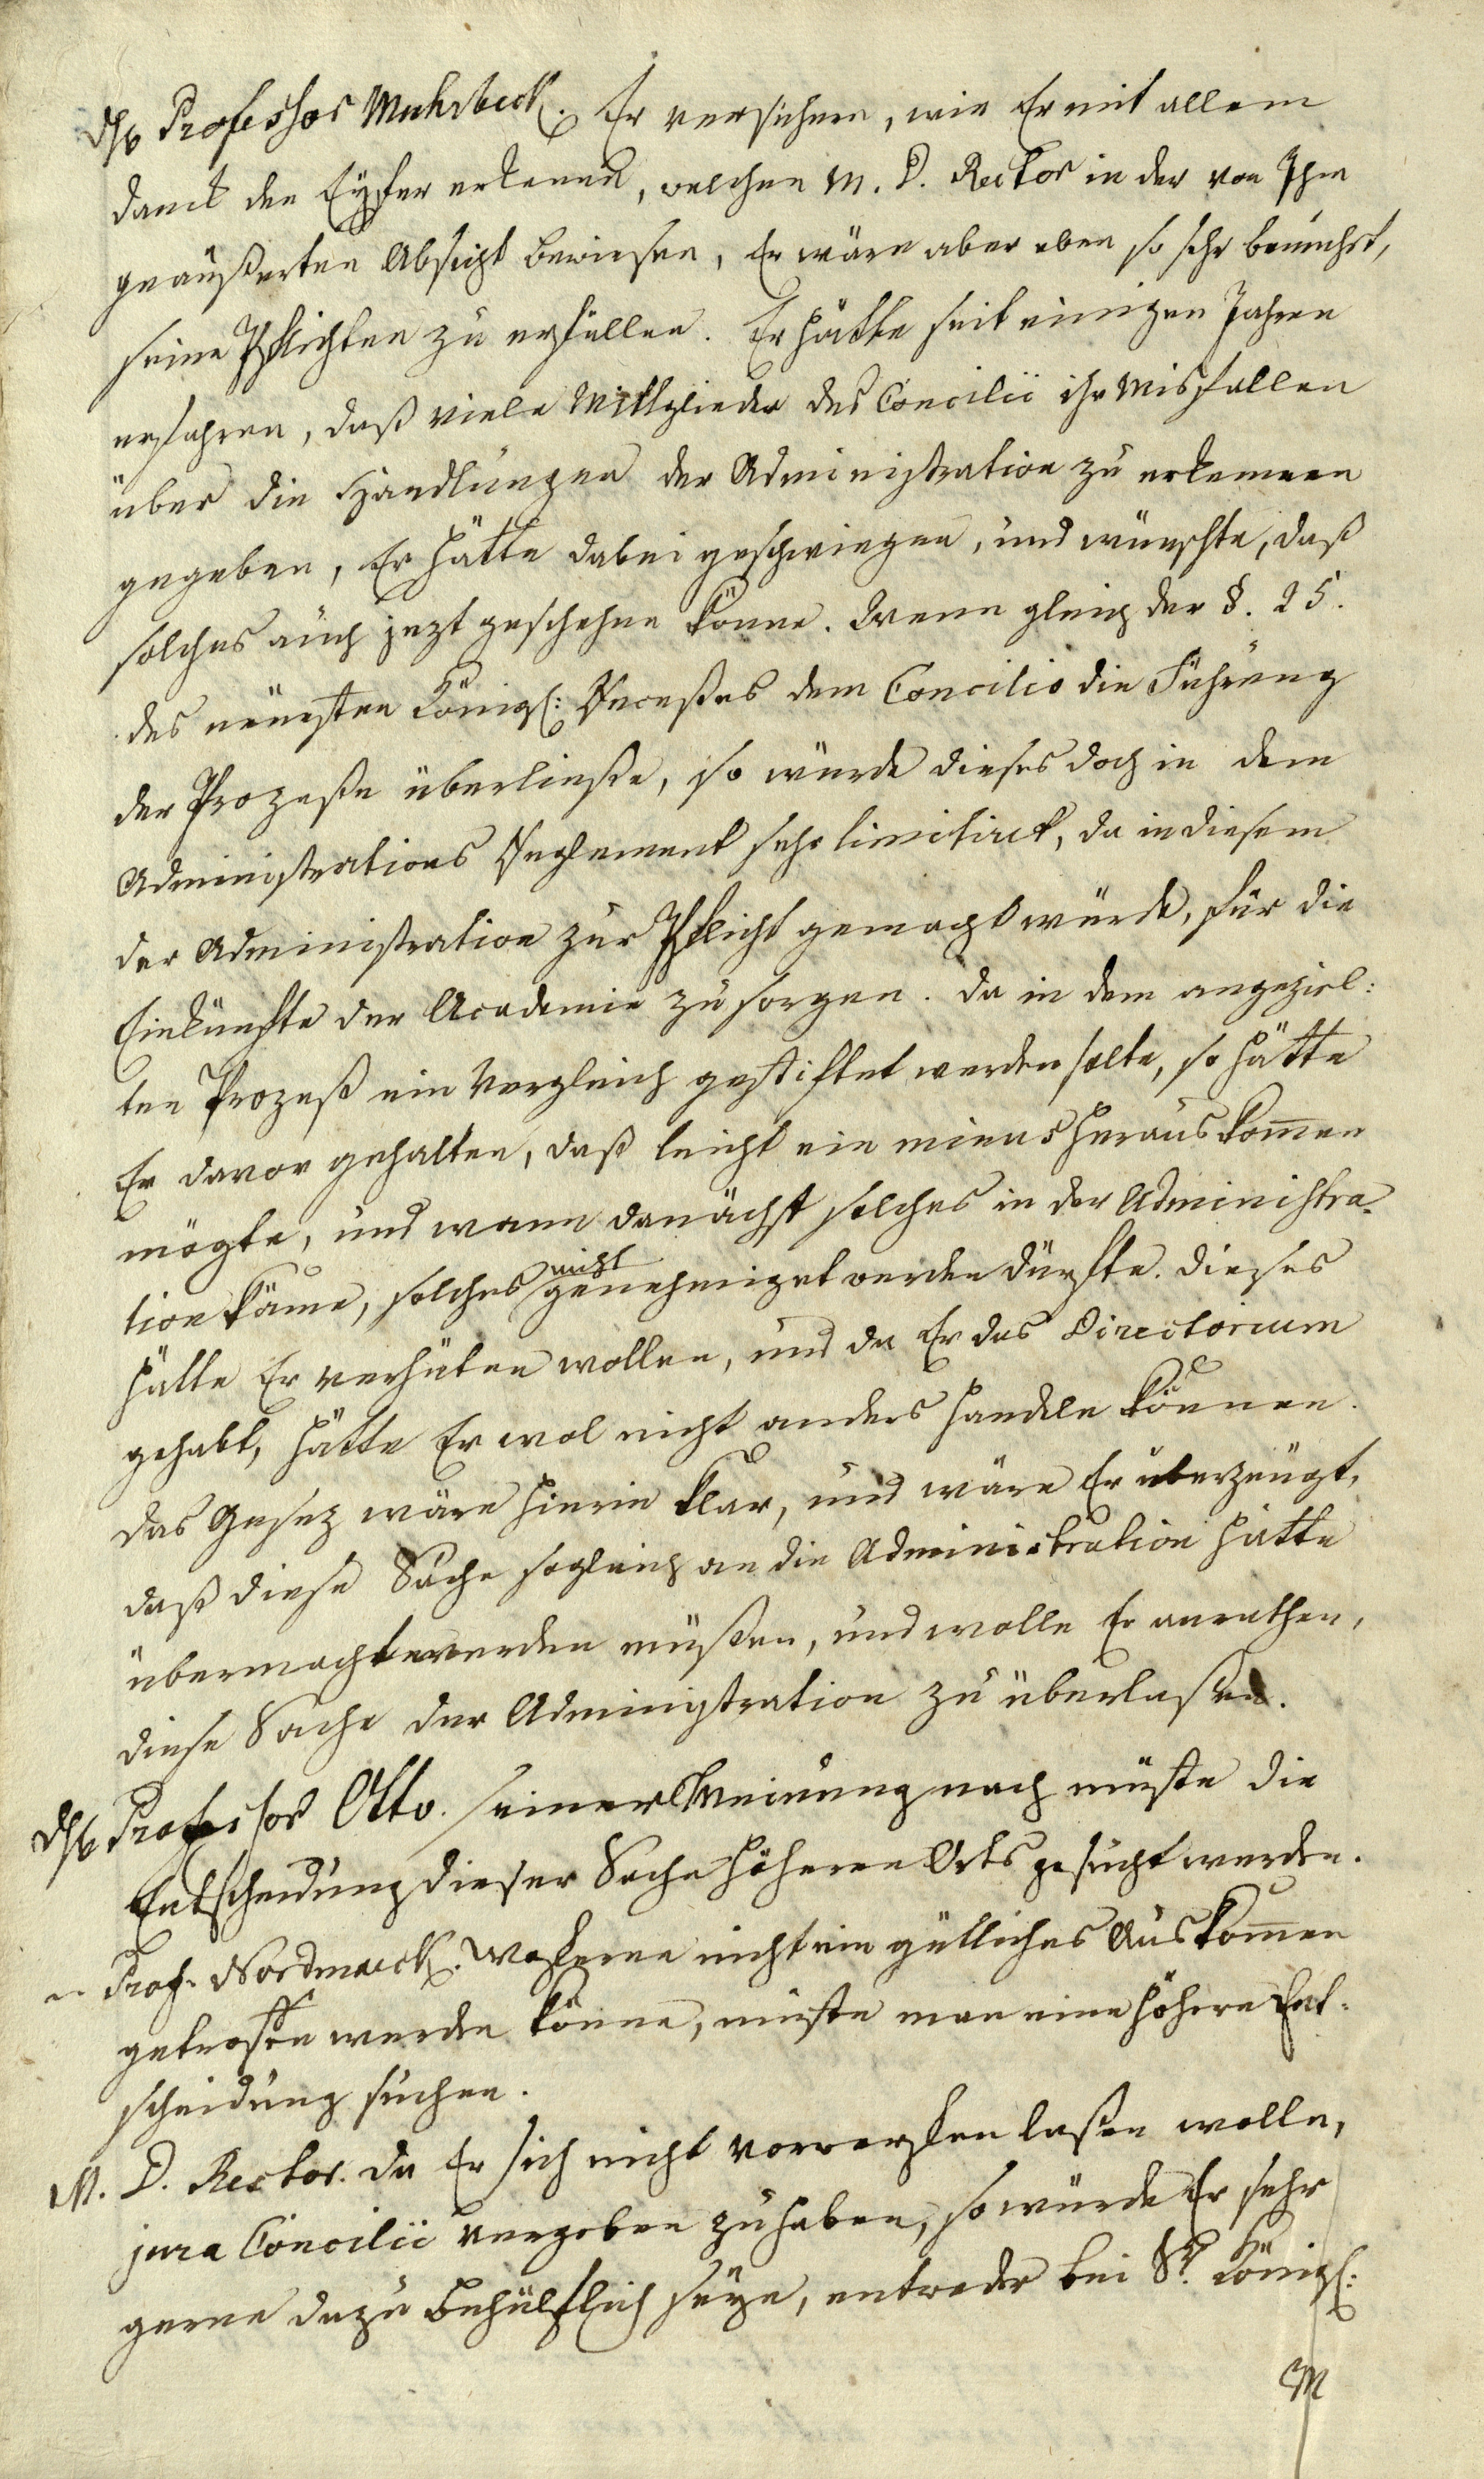dh Professor Muhrbeck. Er versichere, wie Er mit allem
Danck den Eÿfer erkenne, welchen M. D. Rector in der von Ihm
geäußerten Absicht bewiesen, Er wäre aber eben so sehr bemühet,
seine Pflichten zu erfüllen. Er hätte seit einigen Jahren
erfahren, daß viele Mittglieder des Concilii ihr Misfallen
über die Handlungen der Administration zu erkennen
gegeben, Er hätte dabei geschwiegen, und wünschte, daß
solches auch jezt geschehen könne. Wenn gleich der §. 25.
des neuesten Königl. Receßes dem Concilio die Führung
der Prozeßeüberließe, so würde dieses doch in dem
Administrations Reglement sehr limitiret, da in diesem
der Administration zur Pflicht gemacht würde, für die
Einkünfte der Academie zu sorgen. Da in dem angeziel¬
ten Prozeß ein Vergleich gestiftet werden solte, so hätte
Er davor gehalten, daß leicht ein minus heraus komen
mögte, und wann danächst solches in der Administra¬
tion käme, solches nicht genehmiget werden dürfte. Dieses
hätte Er verhüten wollen, und da Er das Directorium
gehabt, hätte Er wol nicht anders handeln können.
Das Gesez wäre hierin klar, und wäre Er überzeugt,
daß dies Sache sogleich an die Administration hätte
übermacht werden müßen, und wolle Er anrathen,
diese Sache der Administration zu überlassen.
dh Professor Otto. seiner Meinung nach müste die
Entscheidung dieser Sache höheren Orts gesucht werden.
Prof. Nordmarck. Woferne nicht ein gütliches Auskomen
getroffen werden könne, müste man eine höhere Ent¬
scheidung suchen.
M. D. Rector. da Er sich nicht vorwerfen laßen wolle,
jura Concilii vergeben zu haben, so würde Er sehr
gerne dazu Behülflich seyn, entweder bei Sr. Königl:
M